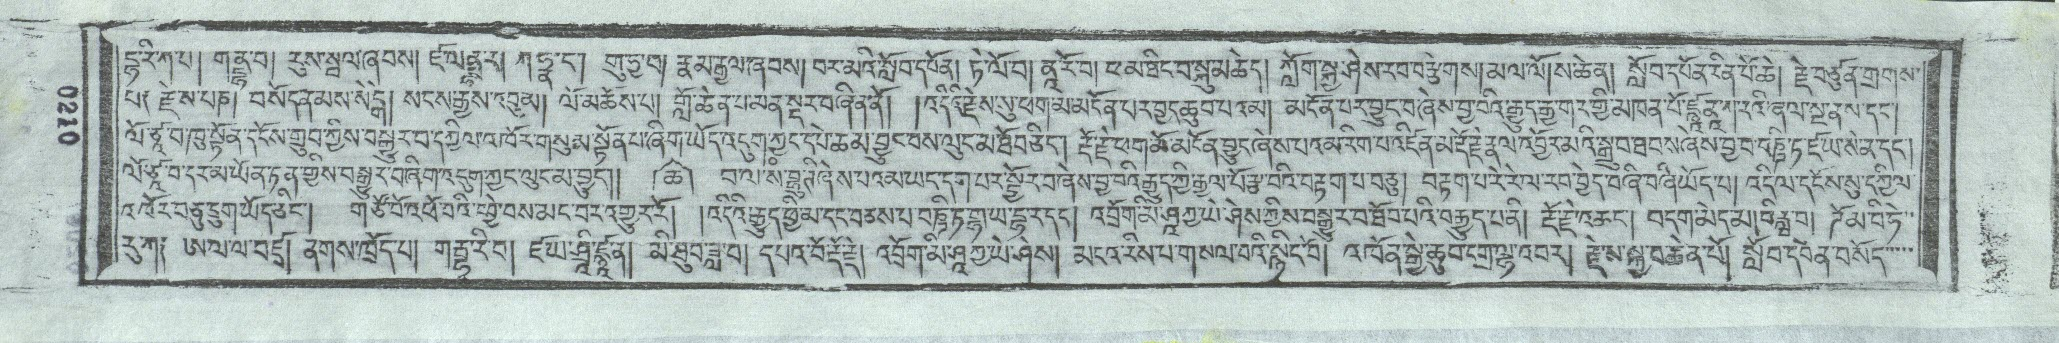དྷ་རི་ཀ་པ། གནྡྷ་བ། རུས་སྦལ་ཞབས། ཛ་ལནྡྷ་ར། ཀཧྣ་ང་། གུ་ཧྱ་བ། རྣམ་རྒྱལ་ཞབས། བར་མའི་སློབ་དཔོན། ཏེ་ལོ་བ། ནཱ་རོ་བ། ཕ་མ་ཐིང་བ་སྐུ་མཆེད། ཀློག་སྐྱ་ཤེས་རབ་བརྩེགས། མལ་ལོ། ས་ཆེན། སློབ་དཔོན་རིན་པོ་ཆེ། རྗེ་བཙུན་གྲགས་
པ༑ རྗེས་པཎ། བསོད་ནམས་སེངྒེ། སངས་རྒྱས་འབུམ། ལོ་མཆོས་པ། གློ་ཆེན་པ་མན་སྔར་བཞིན་ནོ། །འདིའི་རྗེས་སུ་ཕག་མ་མངོན་པར་བྱང་ཆུབ་པའམ། མངོན་པར་བྱུང་བ་ཞེས་བྱ་བའི་རྒྱུད་རྒྱ་གར་གྱི་མཁན་པོ་ཛྙཱ་ནཱ་ཀ་རའི་ཞལ་སྔ་ནས་དང་།
ལོ་ཙཱ་བ་ཁུ་སྟོན་དངོས་གྲུབ་ཀྱིས་བསྒྱུར་བ་དཀྱིལ་འཁོར་གསུམ་སྟོན་པ་ཞིག་ཡོད་འདུག་ཀྱང་དཔེ་ཆ་མ་བྱུང་བས་ལུང་མ་ཐོབ་ཅིང་། རྡོ་རྗེ་ཕག་མོ་མངོན་བྱུང་ཞེས་པའམ་རིག་པའི་འཛིན་མ་རྡོ་རྗེ་རྣལ་འབྱོར་མའི་སྒྲུབ་ཐབས་ཞེས་བྱ་བ་པཎྜི་ཏ་ཛ་ཡ་སེ་ན་དང་།
ལོ་ཙཱ་བ་དར་མ་ཡོན་ཏན་གྱིས་བསྒྱུར་བ་ཞིག་འདུག་ཀྱང་ལུང་མ་བྱུང།། {ཆ}་བ་ལ་སཾ་བྷུ་ཊི་ཞེས་པའམ་ཡང་དག་པར་སྦྱོར་བ་ཞེས་བྱ་བ་རྒྱུད་ཀྱི་རྒྱལ་པོ་རྩ་བའི་བརྟག་པ་བཅུ། བརྟག་པ་རེ་རེ་ལ་རབ་བྱེད་བཞི་བཞི་ཡོད་པ། འདི་ལ་དངོས་སུ་དཀྱིལ་
འཁོར་བཅུ་དྲུག་ཡོད་ཅིང་། གཙོ་བོ་འཕོ་བའི་དབྱེ་བས་མང་བར་འགྱུར་རོ། །འདིའི་རྒྱུད་ཕྱི་མ་དང་བཅས་པ་པཎྜི་ཏ་གྷ་ཡ་དྷ་ར་དང་། འབྲོག་མི་ཤཱཀྱ་ཡེ་ཤེས་ཀྱིས་བསྒྱུར་བ་ཐོབ་པའི་བརྒྱུད་པ་ནི། རྡོ་རྗེ་འཆང་། བདག་མེད་མ། བིརྭ་པ། ཌོམ་བི་ཏེ་
རུ་ཀ༑ ཨ་ལ་ལ་བཛྲ། ནགས་ཁྲོད་པ། གརྦྷ་རི་བ། ཛ་ཡ་ཤྲཱི་ཛྙཱ་ན། མི་ཐུབ་ཟླ་བ། དཔའ་བོ་རྡོ་རྗེ། འབྲོག་མི་ཤཱཀྱ་ཡེ་ཤེས། མངའ་རིས་པ་གསལ་བའི་སྙིང་བོ། འཁོན་སྒྱེ་ཆུབ་དགྲ་ལྷ་འབར། རྗེ་ས་སྐྱ་བ་ཆེན་པོ། སློབ་དཔོན་བསོད་